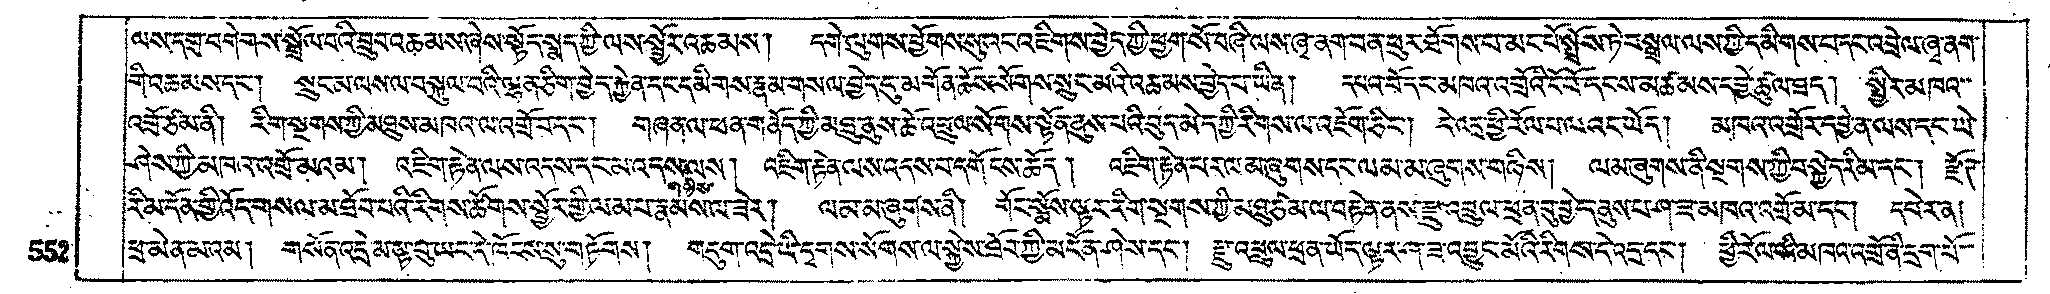ལས་དགྲ་བགེགས་སྒྲོལ་བའི་བྲུབ་འཆམས་ཞེས་སྟོད་སྨད་ཀྱི་ལས་སྦྱོར་འཆམས། དགེ་ལུགས་ཕྱོགས་སུའང་འཇིགས་བྱེད་ཀྱི་ཕྱག་སོ་བཞི་ལས་ཞྭ་ནག་བན་ཕུར་ཐོགས་པ་མང་པོ་སྤྲོས་ཏེ་བསྒྲལ་ལས་ཀྱི་དམིགས་པ་དང་འབྲེལ་ཞྭ་ནག་
གི་འཆམས་དང་། སྲུང་མ་ལས་ལ་བསྐུལ་བའི་ལྷན་ཅིག་བྱེད་རྐྱེན་དང་དམིགས་རྣམ་གསལ་བྱེད་དུ་མགོན་ཆོས་སོགས་སྲུང་མའི་འཆམས་བྱེད་པ་ཡིན། དཔའ་བོ་དང་མཁའ་འགྲོའི་ངོ་བོ་དང་ས་མཚམས་དབྱེ་ཚུལ་ཐད། སྤྱིར་མཁའ་་་
འགྲོ་ཙམ་ནི། རིག་སྔགས་ཀྱི་མཐུས་མཁའ་ལ་འགྲོ་བ་དང་། གཞན་ལ་ཕན་གནོད་ཀྱི་མཐུ་ནུས་ཆོ་འཕྲུལ་སོགས་སྟོན་ནུས་པའི་བུད་མེད་ཀྱི་རིགས་ལ་འཇོག་ཅིང་། དེ་འདྲ་ཕྱི་རོལ་པ་ལའང་ཡོད། མཁའ་འགྲོར་དབྱེ་ན་ལས་དང་ཡེ་
ཤེས་ཀྱི་མཁའ་འགྲོ་མའམ། འཇིག་རྟེན་ལས་འདས་དང་མ་འདས་གཉིས་ལས། འཇིག་རྟེན་ལས་འདས་པ་དགོངས་ཆོད། འཇིག་རྟེན་པར་ལམ་ཞུགས་དང་ལམ་མ་ཞུགས་གཉིས། ལམ་ཞུགས་ནི་སྔགས་ཀྱི་བསྐྱེད་རིམ་དང་། རྫོཌ་
རིམ་དོན་གྱི་འོད་གསལ་མ་ཐོབ་པའི་རིགས་ཚོགས་སྦྱོར་གྱི་ལམ་པ་རྣམས་ལ་ཟེར། ལམ་མ་ཞུགས་ནི། གོང་སྨོས་ལྟར་རིག་སྔགས་ཀྱི་མཐུ་ཙམ་ལ་བརྟེན་ནས་རྫུ་འཕྲུལ་ཕྲན་བུ་བྱེད་ནུས་པ་ཤ་ཟ་མཁའ་འགྲོ་མ་དང་། དཔེར་ན།
ཕྲ་མེན་མའམ། གསོན་འདྲེ་མ་ལྟ་བུ་ཡང་དེ་ཁོངས་སུ་གཏོགས། གདུག་འདྲེ་ཡི་དྭགས་སོགས་ལ་སྐྱེས་ཐོབ་ཀྱི་མངོན་ཤེས་དང་། རྫུ་འཕྲུལ་ཕྲན་ཡོད་ལྟར་ཤ་ཟ་འབྱུང་མོའི་རིགས་དེ་འདྲ་དང་། ཕྱི་རོལ་བའི་མཁའ་འགྲོ་ནི་དྲག་པོ་་་